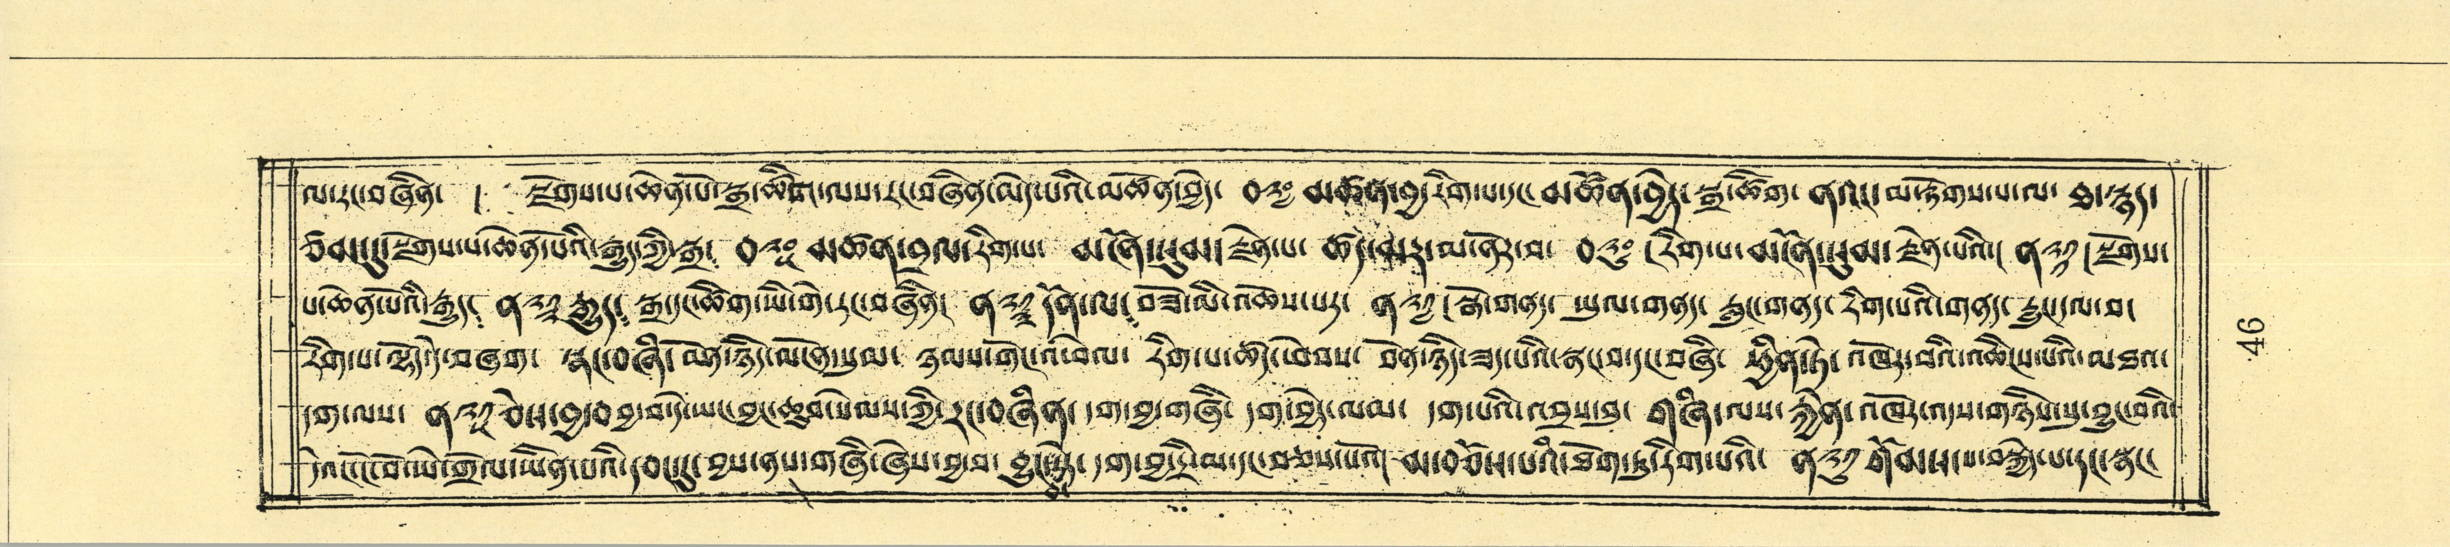ལ་རང་བཞིན། རྫོགས་པ་ཆེན་པོ་ལ་སྒྲ་ཚིག་ལས་རང་བཞིན་མེད་པའི་མཚོན་བྱེད་བ༢༠།༤ མཚན་བྱ་རིག་པ་དང་ ༼མཚོན་བྱེད་༽སྒྲ་ཚིག་༼ནའང་༽མ་རྟོགས་པ་ལ་ ༼ཐ་སྙད་
ཙམ་དུ་༽རྫོགས་པ་ཆེན་པོའི་རྒྱུད་ཀྱི་སྒྲ་བ༢༠།༥ ༼མཚན་བྲལ༽རིག་པ་༼མངོན་སུམ་༽རྗེན་པ་༼ཚད་མར༽མ་ནོར་བ་བ༢༠།༦ རིག་པ་༼མངོན་སུམ་༽རྗེན་པའི་ན༢༡།༡ རྫོགས་
པ་ཆེན་པོའི་རྒྱུད་ན༢༡།༢ ༼རྒྱུད༽སྒྲ་དང་ཚིག་ཡི་གེ་རང་བཞིན་ན༢༡།༣ ༼དོན་ལ༽བཟོ་མི་འཆོས་པར་ན༢༡།༤ སྒོ་གནད་ཡུལ་གནད་རླུང་གནད་རིག་པའི་གནད་རླུང་དལ་བ་
རིག་པ་ལྷོད་དེ་བཞག ༼སྣང་བཞི༽བོན་ཉིད་མངོན་སུམ་ཉམས་གོང་འཕེལ་རིག་པ་ཚད་ཕེབས་བོན་ཉིད་ཟད་པའི་སྣང་བ་དང་བཞི་ ༼ཕྱིན་ཏེ༽འཁོར་བའི་འཆིང་བ་མཐའ་
དག་ལས་ན༢༡།༥ ༼ཅེས་བྱ་བ༽བྱ་བ་དེ་ཡང་བྱང་ཆུབ་སེམས་ཀྱི་༼རང་བཞིན༽དག་བྱ་གཞི་དག་བྱེད་ལམ་དག་པའི་འབྲས་བུ་ ༼གཞི་༽ལས་༼རྐྱེན༽འཁོར་འདས་གཉིས་སུ་བྱུང་བས། 
དེ་ཡང་ངོ་བོ་ཡེ་གྲོལ་ཡིན་པའི་༼དབང་དུ༽བྱས་ན་གཞི་ཞེས་བྱ་བ་༼བྱུང་སྟེ༽དག་བྱ་དྲི་མ་དང་བཅས་པའོ། ༼མ་བཅོས་པའི་༽ཐོག་ཏུ་རིག་པའི་ན༢༡།༦ ༼གོམས་པ་༽བསྐྱེད་པ་༼རང་སྣང་༽